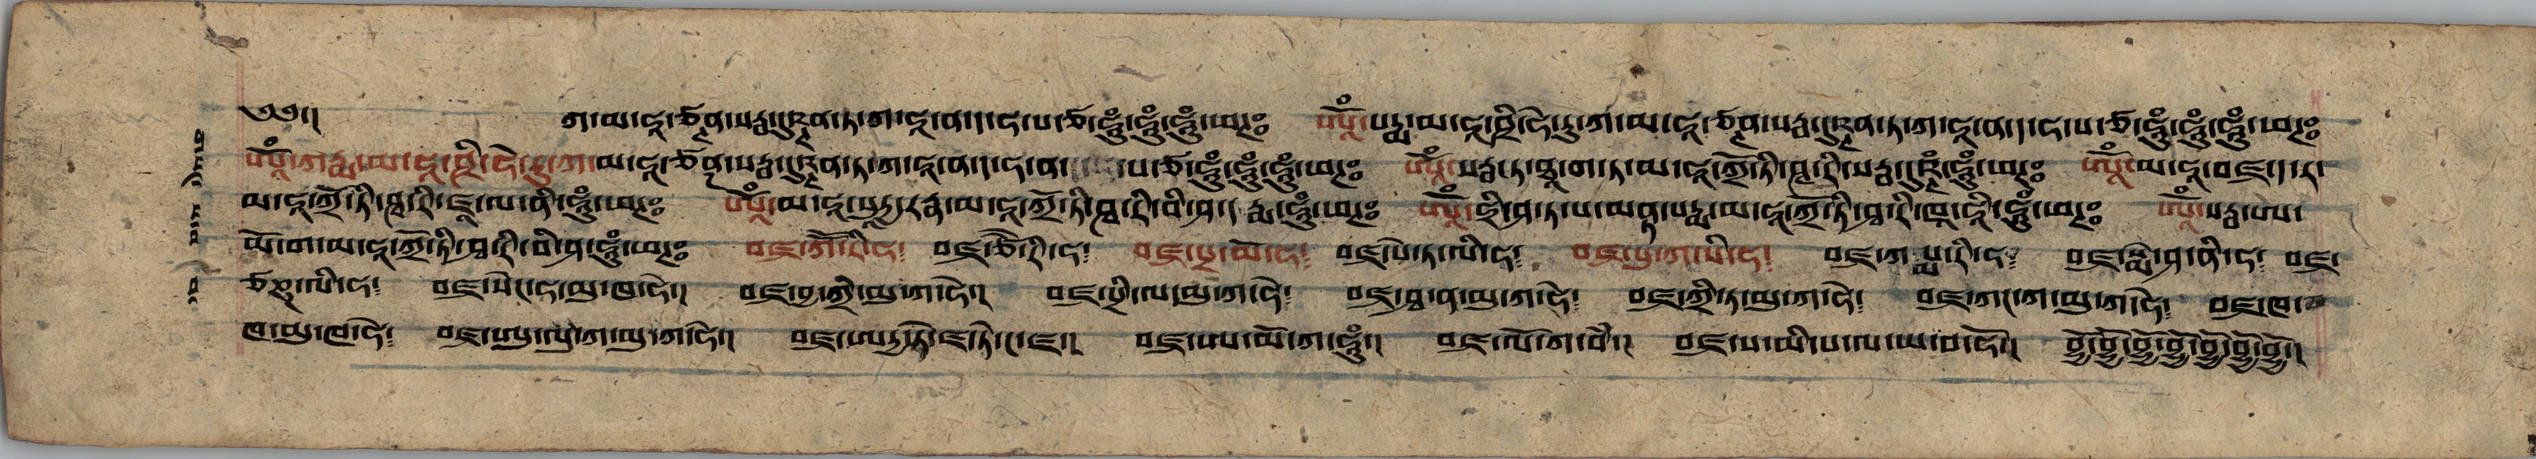༄༅་། ཀ་མ་ཧཱ་ཙནྚ་སརྦ་དུཥྚན་ཏ་ག་ཧཱ་ན་ད་ཧ་པ་ཙ་ཧཱུཾ་ཧཱུཾ་ཧཱུཾ་ཕཊཿ ཨཱོཾ་པདྨ་མ་ཧཱ་ཤྲི་ཧེ་རུ་ཀ་མ་ཧཱ་ཙནྚ་སརྦ་དུཥྚན་ཏ་ཀ་ཧཱ་ན་ད་ཧ་པ་ཙ་ཧཱུཾ་ཧཱུཾ་ཧཱུཾ་ཕཊཿ
ཨཱོཾ་ཀརྨ་མ་ཧཱ་ཤྲི་ཧེ་རུ་ཀ་མ་ཧཱ་ཙནྜ་སརྦ་དུཥྚན་ཏ་ཀ་ཧཱ་ན་ད་ཧ་ན་ པ་ཙ་ཧཱུཾ་ཧཱུཾ་ཧཱུཾ་ཕཊཿ ཨཱོཾ་སརྦ་ཏ་ཐཱ་ག་ཏ་མ་ཧཱ་ཀྲོ་ཏི་ཤྭ་རི་སརྦ་དུཥྚཾ་ཧཱུཾ་ཕཊཿ ཨཱོཾ་མ་ཧཱ་བཛྲ་ད་ར་
མ་ཧཱ་ཀྲོ་ཏི་ཤྭ་རི་ཛཱ་ལ་ནི་ཧཱུཾ་ཕཊཿ ཨཱོཾ་མ་ཧཱ་སུརྱ་རཏྣ་མ་ཧཱ་ཀྲོ་ཏི་ཤྭ་རི་བི་ཤ་ད རྨ་ཧཱུཾ་ཕཊཿ ཨཱོཾ་ཧྲི་ཤ་ཏ་ས་མནྟ་པདྨ་མ་ཧཱ་ཀྲོ་ཏི་ཤྭ་རི་ཁཱ་ཧཱི་ཧཱུཾ་ཕཊཿ ཨཱོཾ་སརྦ་ཨ་
ཡོ་ག་མ་ཧཱ་ཀྲོ་ཏི་རི་བི་ཤ་ཧཱུཾ་ཕཊཿ བཛྲ་ཀཽ་རི་ཧ༴ བཛྲ་ཙཽ་རི་ཧ༴ བཛྲ་པྲ་མོ་ཧ༴ བཛྲ་པེ་ཏ་ལི་ཧ༴ བཛྲ་པུ་ཀ་སི་ཧ༴ བཛྲ་ཀསྨ་རི་ཧ༴ བཛྲ་སྨེ་ཤ་ནི་ཧ༴ བཛྲ་
ཙཎྜ་ལི་ཧ༴ བཛྲ་སེང་ཧ་མུ་ཁ་ཧེ་། བཛྲ་བྱ་ཀྲི་མུ་ཀ་ཧེ་། བཛྲ་པྲི་ལ་མུ་ཀ་ཧེ༴ བཛྲ་ཤྭ་ན་མུ་ཀ་ཧེ༴ བཛྲ་ཀྲི་ཏ་མུ་ཀ་ཧེ༴ བཛྲ་ཀང་ཀ་མུ་ཀ་ཧེ༴ བཛྲ་ཁ་
ཁ་མུ་ཁ་ཧེ༴ བཛྲ་ཨུ་ལུ་ཀ་མུ་ཀ་ཧེ་། བཛྲ་ཨདྱ་ཏེ་ཛ་ཏེ་ང་ཛ་། བཛྲ་ཨ་མོ་ཀ་ཧཱུཾ་། བཛྲ་ལོ་ཀ་བཾ་། བཛྲ་པ་མི་པ་ལ་ཡ་བ་ཧོ་། བྷྱོ་བྷྱོ་བྷྱོ་བྷྱོ་བྷྱོ་བྷྱོ་བྷྱོ་།